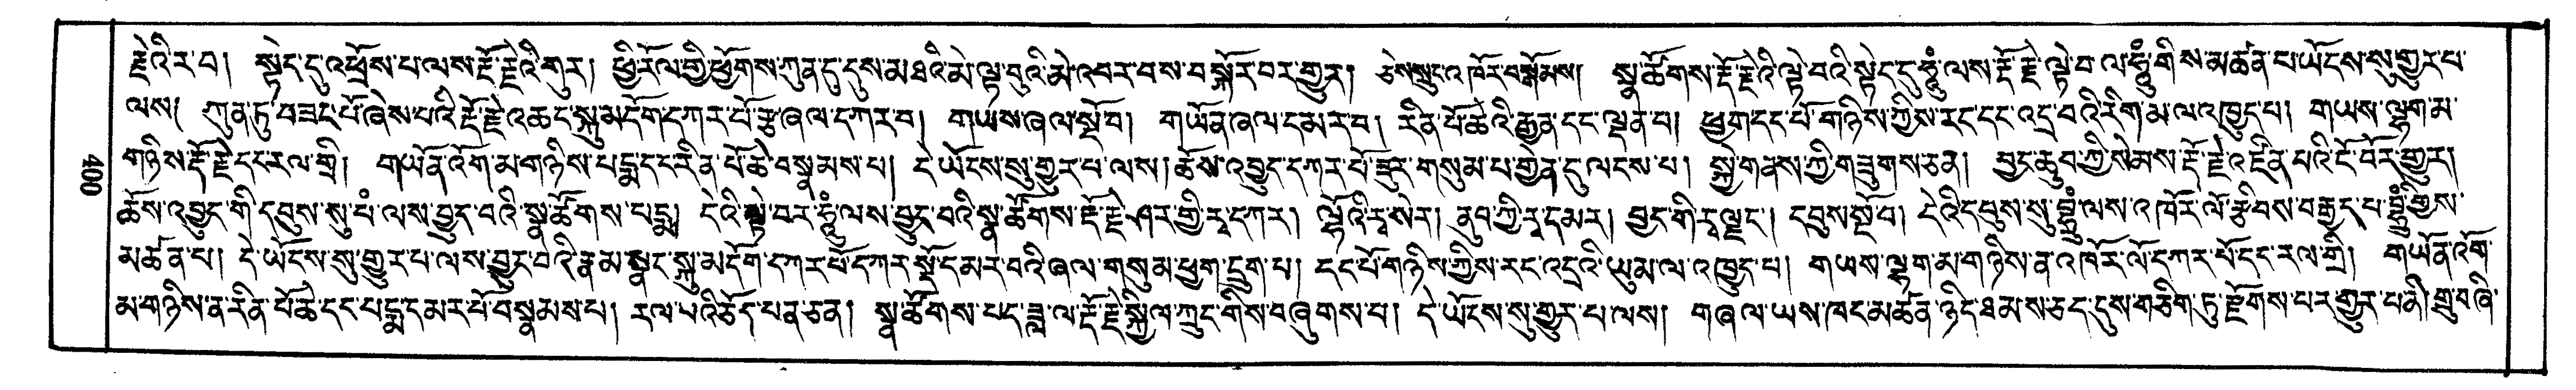རྗེའི་ར་བ། སྟེང་དུ་འཕྲོས་པ་ལས་རྡོ་རྗེའི་གུར། ཕྱི་རོལ་གྱི་ཕྱོགས་ཀུན་ཏུ་དུས་མཐའི་མེ་ལྟ་བུའི་མ་འབར་བས་བསྐོར་བར་གྱུར། ཅེས་སྲུང་འཁོར་བསྒོམས། སྣ་ཚོགས་རྡོ་རྗེའི་ལྟེ་བའི་སྟེང་དུ་ཧཱུཾ་ལས་རྡོ་རྗེ་ལྟེ་བ་ལ་ཧཱུཾ་གིས་མཚན་པ་ཡོངས་སུ་གྱུར་པ་
ལས༑ ཀུན་ཏུ་བཟང་པོ་ཞེས་པའི་རྡོ་རྗེ་འཆང་སྐུ་མདོག་དཀར་པོ་རྩ་ཞལ་དཀར་བ། གཡས་ཞལ་སྔོ་བ། གཡོན་ཞལ་དམར་བ། རིན་པོ་ཆེའི་རྒྱན་དང་ལྡན་པ། ཕྱག་དང་པོ་གཉིས་ཀྱིས་རང་དང་འདྲ་བའི་རིག་མ་ལ་འཁྱུད་པ། གཡས་ལྷག་མ་
གཉིས་རྡོ་རྗེ་དང་རལ་གྲི། གཡོན་འོག་མ་གཉིས་པདམ་དང་རིན་པོ་ཆེ་བསྣམས་པ། དེ་ཡོངས་སུ་གྱུར་པ་ལས། ཆོས་འབྱུང་དཀར་པོ་ཟུར་གསུམ་བ་གྱེན་དུ་ལངས་པ། སྐྱེ་གནས་ཀྱི་གཟུགས་ཅན། བྱང་ཆུབ་ཀྱི་སེམས་རྡོ་རྗེ་འཛིན་པའི་ངོ་བོར་གྱུར།
ཆོས་འབྱུང་གི་དབུས་སུ་པཾ་ལས་བྱུང་བའི་སྣ་ཚོགས་པདམ། དེའི་ལྟེ་བར་ཧཱུཾ་ལས་བྱུང་བའི་སྣ་ཚོགས་རྡོ་རྗེ་ཤར་གྱི་རྭ་དཀར། ལྷོའི་རྭ་སེར། ནུབ་ཀྱི་རྭ་དམར། བྱང་གི་རྭ་ལྗང་། དེའི་དབུས་སུ་བྷྲུཾ་ལས་འཁོར་ལོ་རྩིབས་བརྒྱུད་བྷྲཱུཾ་གྱིས་
མཚན་པ། དེ་ཡོངས་སུ་གྱུར་པ་ལས་བྱུང་བའི་རྣམ་སྣང་སྐུ་མདོག་དཀར་པོ་དཀར་སྔོ་དམར་བའི་ཞལ་གསུམ་ཕྱག་དྲུག་པ། དང་པོ་གཉིས་ཀྱིས་རང་འདྲའི་ཡུམ་ལ་འཁྱུད་པ། གཡས་ལྷག་མ་གཉིས་ན་འཁོར་ལོ་དཀར་པོ་དང་རལ་གྲི། གཡོན་འོག་
མ་གཉིས་ན་རིན་པོ་ཆེ་དང་པདམ་དམར་པོ་བསྣམས་པ། རལ་པའི་ཅོད་པན་ཅན། སྣ་ཚོགས་པད་ཟླ་ལ་རྡོ་རྗེ་སྐྱིལ་ཀྲུང་གིས་བཞུགས་པ། དེ་ཡོངས་སུ་གྱུར་པ་ལས། གཞལ་ཡས་ཁང་མཚན་ཉིད་ཐམས་ཅད་དུས་གཅིག་ཏུ་རྫོགས་པར་གྱུར་པ་ནི། གྲུ་བཞི་